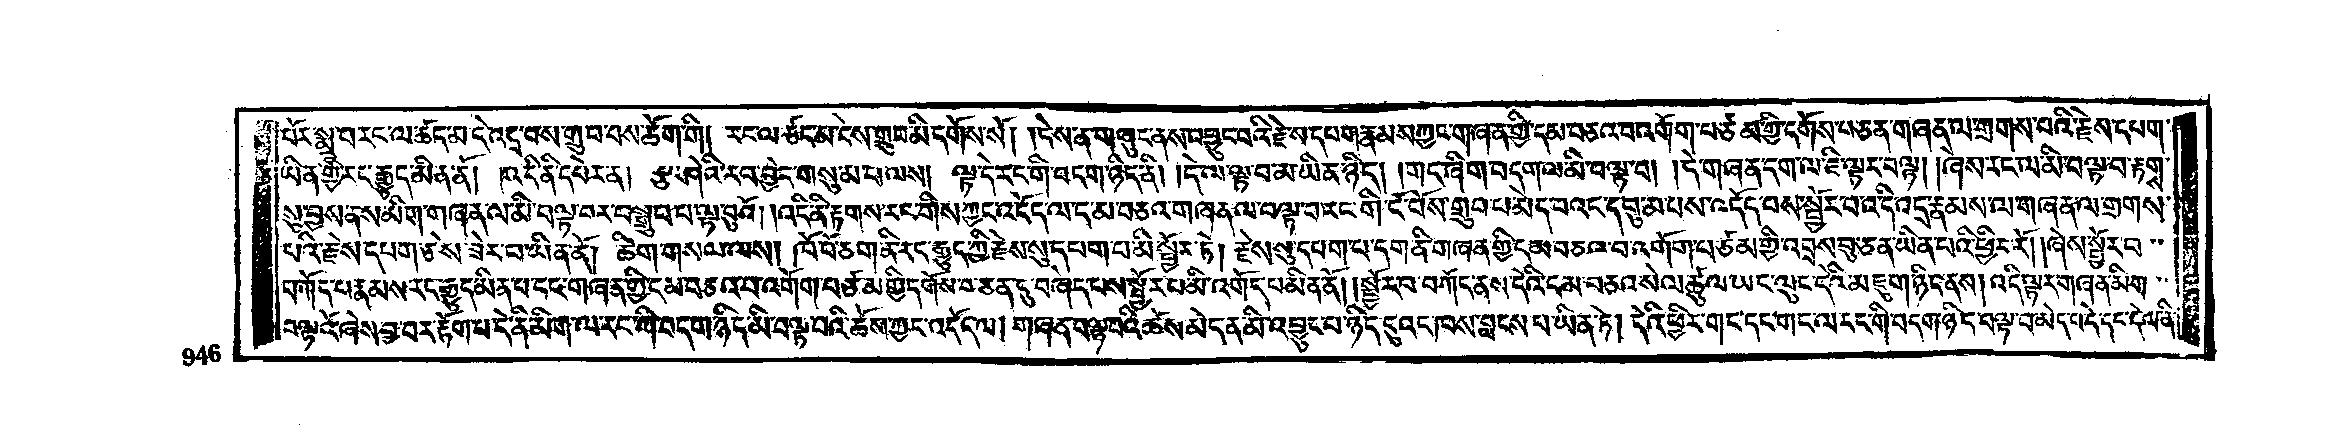པོར་སྨྲ་བ་རང་ལ་ཚད་མ་དེ་འདྲ་བས་གྲུབ་པས་ཆོག་གི། རང་ལ་ཚད་མ་དེས་གྲུབ་མི་དགོས་སོ། །དེས་ན་གཞུང་ནས་འབྱུང་བའི་རྗེས་དཔག་རྣམས་ཀྱང་གཞན་གྱི་དམ་བཅའ་བ་འགོག་པ་ཙམ་གྱི་དགོས་པ་ཅན་གཞན་ལ་གྲགས་པའི་རྗེས་དཔག་
ཡིན་གྱི་རང་རྒྱུད་མིན་ནོ། །འདི་ནི་དཔེར་ན། རྩ་ཤེའི་རབ་བྱེད་གསུམ་པ་ལས། ལྟ་དེ་རང་གི་བདག་ཉིད་ནི། །དེ་ལ་ལྟ་བ་མ་ཡིན་ཉིད། །གང་ཞིག་བདག་ལ་མི་བལྟ་བ། །དེ་གཞན་དག་ལ་ཇི་ལྟར་བལྟ། །ཞེས་རང་ལ་མི་བལྟ་བ་རྟགས་
སུ་བྱས་ནས་མིག་གཞན་ལ་མི་བལྟ་བར་བསྒྲུབ་པ་ལྟ་བུའོ། །འདི་ནི་རྟགས་རང་གིས་ཀྱང་འདོད་ལ་དམ་བཅའ་གཞན་ལ་བལྟ་བ་རང་གི་ངོ་བོས་གྲུབ་པ་མེད་པའང་དབུ་མ་པས་འདོད་པས་སྦྱོར་བ་འདི་འདྲ་རྣམས་ལ་གཞན་ལ་གྲགས་
པའི་རྗེས་དཔག་ཅེས་ཟེར་བ་ཡིན་ནོ། ཚིག་གསལ་ལས། ཁོ་བོ་ཅག་ནི་རང་རྒྱུད་ཀྱི་རྗེས་སུ་དཔག་པ་མི་སྦྱོར་ཏེ། རྗེས་སུ་དཔག་པ་དག་ནི་གཞན་གྱི་དམ་བཅའ་བ་འགོག་པ་ཙམ་གྱི་འབྲས་བུ་ཅན་ཡིན་པའི་ཕྱིར་རོ། །ཞེས་སྦྱོར་བ་
བཀོད་པ་རྣམས་རང་རྒྱུད་མིན་པ་དང་གཞན་གྱི་དམ་བཅའ་བ་འགོག་པ་ཙམ་གྱི་དགོས་པ་ཅན་དུ་བཞེད་པས་སྦྱོར་བ་མི་འགོད་པ་མིན་ནོ། །སྦྱོར་བ་བཀོད་ནས་དེའི་དམ་བཅའ་སེལ་ཚུལ་ཡང་ལུང་དེའི་མཇུག་ཉིད་ནས། འདི་ལྟར་གཞན་མིག་
བལྟའོ་ཞེས་བྱ་བར་རྟོག་པ་དེ་ནི་མིག་ལ་རང་གི་བདག་ཉིད་མི་བལྟ་བའི་ཆོས་ཀྱང་འདོད་ལ། གཞན་བལྟ་བའི་ཆོས་མེད་ན་མི་འབྱུང་བ་ཉིད་དུའང་ཁས་བླངས་པ་ཡིན་ཏེ། དེའི་ཕྱིར་གང་དང་གང་ལ་རང་གི་བདག་ཉིད་བལྟ་བ་མེད་པ་དེ་དང་དེ་ལ་ནི་